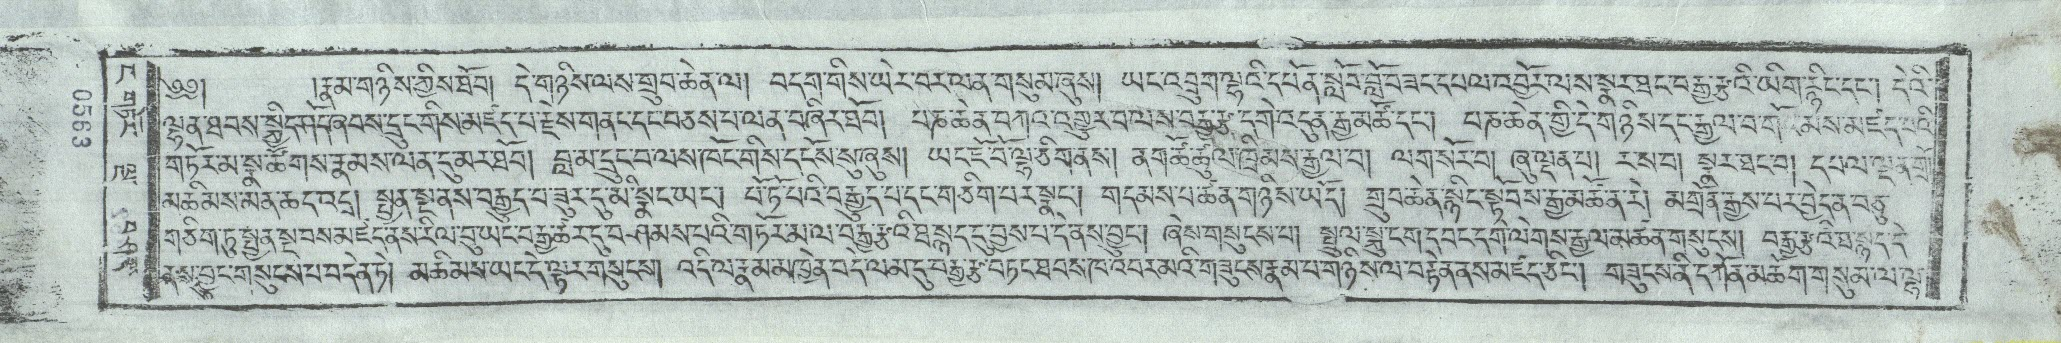༄༅། །རྣམ་གཉིས་ཀྱིས་ཐོབ། དེ་གཉིས་ལས་གྲུབ་ཆེན་ལ། བདག་གིས་ཡེར་བར་ལན་གསུམ་ཞུས། ཡང་འབྲུག་ལྷའི་དཔོན་སློབ་བློ་བཟང་དཔལ་འབྱོར་ལས་སྣར་ཐང་བརྒྱ་རྩའི་ཡིག་རྙིང་དང་། དེའི་
ལྷན་ཐབས་སྐྱིད་ཤོད་ཞབས་དྲུང་གིས་མཛད་པ་རྗེས་གནང་དང་བཅས་པ་ལན་བཞིར་ཐོབ། པཎ་ཆེན་བཀའ་འགྱུར་པ་ལས་བརྒྱ་རྩ་དགེ་འདུན་རྒྱ་མཚོ་དང་། པཎ་ཆེན་གྱི་དེ་གཉིས་དང་རྒྱལ་བ་གོང་མས་མཛད་པའི་
གཏོར་མ་སྣ་ཚོགས་རྣམས་ལན་དུ་མར་ཐོབ། བླ་མ་དྲུང་བ་ལས་ཁོང་གིས་དངོས་སུ་ཞུས། ཡང་ཇོ་བོ་ལྷ་ཅིག་ནས། ནག་ཚོ་ཚུལ་ཁྲིམས་རྒྱལ་བ། ལག་སོར་བ། ཞུ་ལྡན་པ། ར་ས་པ། སྣར་ཐང་བ། དཔལ་ལྡན་གྲོ་
མཆིམས་མིན་ཆད་འདྲ། སྤྱན་སྔ་ནས་བརྒྱུད་བ་ཟུར་དུ་མི་སྣང་ཡང་། པོ་ཏོ་པའི་བརྒྱུད་པ་དང་གཅིག་པར་སྣང་། གདམས་པ་ཚན་གཉིས་ཡོད། གྲུབ་ཆེན་སྙིང་སྟོབས་རྒྱ་མཚོ་ན་རེ། མགྲོན་རྒྱས་པར་བྱེད་ན་བཅུ་
གཅིག་ཏུ་སྤྱན་སྔ་བས་མཛད་ནས་རིལ་བུ་ཡང་བརྒྱ་ཚར་དུ་བཤམས་པའི་གཏོར་མ་ལ་བརྒྱ་རྩའི་ཐ་སྙད་དུ་བྱས་པ་དེ་ནས་བྱུང་། ཞེས་གསུངས་པ། སྤྲུལ་སྐུ་ངག་དབང་དགེ་ལེགས་རྒྱལ་མཚན་གསུངས། བརྒྱ་རྩའི་ཐ་སྙད་དེ་
ནས་བྱུང་གསུངས་པ་བདེན་ཏེ། མཆིམས་ཡང་དེ་ལྟར་གསུངས། འདི་ལ་རྣམ་མཁྱེན་བདེ་ལམ་དུ་བརྒྱ་རྩ་བཏང་ཐབས་ཁ་འབར་མའི་གཟུངས་རྣམ་པ་གཉིས་ལ་བརྟེན་ནས་མཛད་ཅིང་། གཟུངས་ནི་དཀོན་མཆོག་གསུམ་ལ་ལྷ་